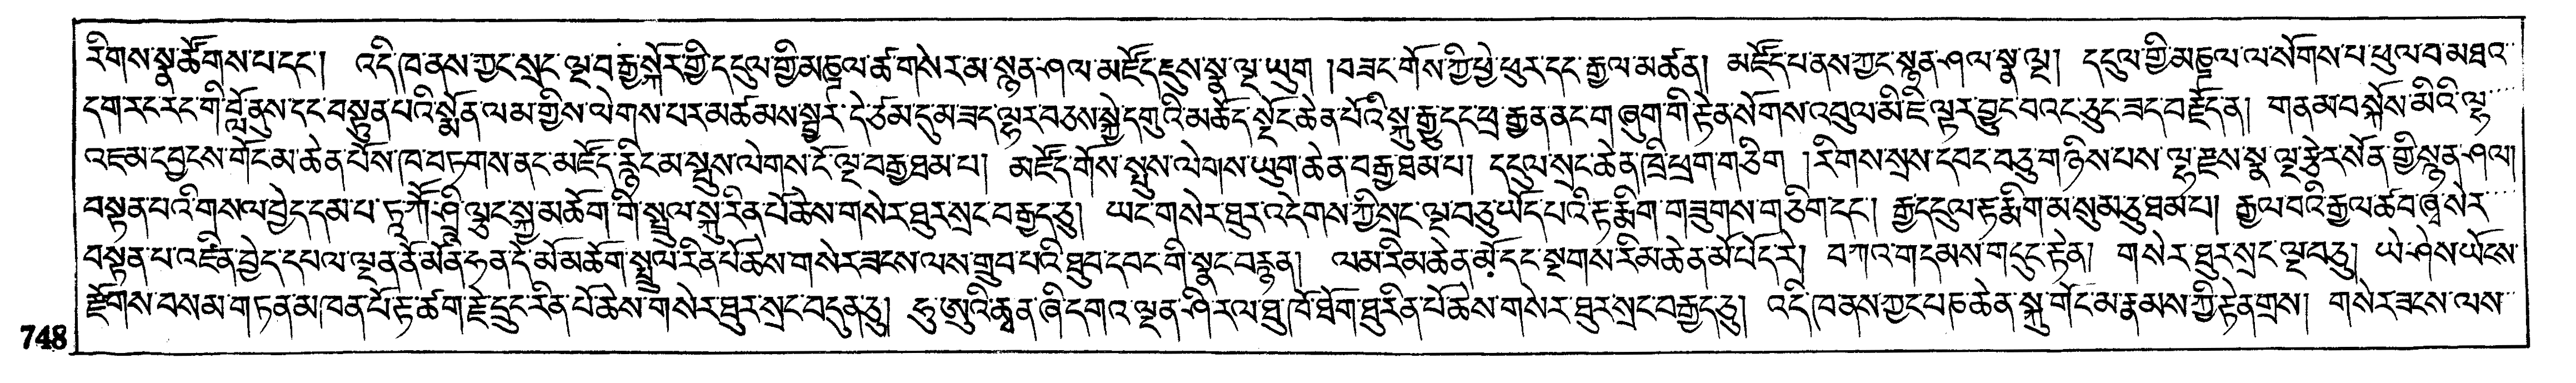རིགས་སྣ་ཚོགས་པ་དང་། འདི་ཁ་ནས་ཀྱང་སྲང་ལྔ་བརྒྱ་སྐོར་གྱི་དངུལ་གྱི་མཎྜལ་ཚ་གསེར་མ་སྙན་ཤལ་མཛོད་ཇུས་སྣ་ལྔ་ཡུག །བཟང་གོས་ཀྱི་ཕྱེ་ཕུར་དང་རྒྱལ་མཚན། མཛོད་པ་ནས་ཀྱང་སྙན་ཤལ་སྣ་ལྔ། དངུལ་གྱི་མཎྜལ་ལ་སོགས་པ་ཕུལ་བ་མཐའ་
དག་རང་རང་གི་བློ་ནུས་དང་བསྟུན་པའི་སྨོན་ལམ་གྱིས་ལེགས་པར་མཚམས་སྦྱར། དེ་ཙམ་དུ་མ་ཟད་ལྷར་བཅས་སྐྱེ་དགུའི་མཆོད་སྡོང་ཆེན་པོའི་སྐུ་རྒྱུད་དང་ཕྲ་རྒྱན་ནང་གཞུག་གི་རྟེན་སོགས་འབུལ་མི་ཇི་ལྟར་བྱུང་བའང་ཅུང་ཟད་བརྗོད་ན། གནམ་བསྐོས་མིའི་ལྷ་
འཇམ་དབྱངས་གོང་མ་ཆེན་པོས་ཁ་བཏགས་ནང་མཛོད་རྙིང་མ་སྤུས་ལེགས་ངོ་ལྔ་བརྒྱ་ཐམ་པ། མཛོད་གོས་སྤུས་ལེགས་ཡུག་ཆེན་བརྒྱ་ཐམ་བ། དངུལ་སྲང་ཆེན་ཁྲི་ཕྲག་གཅིག །རིགས་སྲས་དབང་བཅུ་གཉིས་པས་ལྷ་རྫས་སྣ་ལྔ་རྩེར་སོན་གྱི་སྙན་ཤལ།
བསྟན་པའི་གསལ་བྱེད་དམ་པ་ཏཱ་ཀཽ་ཤྲཱི་ལྕང་སྐྱ་མཆོག་གི་སྤྲུལ་སྐུ་རིན་པོ་ཆེས་གསེར་ཐུར་སྲང་བརྒྱད་ཅུ། ཡང་གསེར་ཐུར་འདེགས་ཀྱི་སྲང་ལྔ་བཅུ་ཡོད་པའི་རྟ་རྨིག་གཟུགས་གཅིག་དང་། རྒྱ་དངུལ་རྟ་རྨིག་མ་སུམ་ཅུ་ཐམ་པ། རྒྱལ་བའི་རྒྱལ་ཚབ་ཞྭ་སེར་
བསྟན་པ་འཛིན་བྱེད་དཔལ་ལྡན་ནོ་མོན་ཧན་དེ་མོ་མཆོག་སྤྲུལ་རིན་པོ་ཆེས་གསེར་ཟངས་ལས་གྲུབ་པའི་ཐུབ་དབང་གི་སྣང་བརྙན། ལམ་རིམ་ཆེན་མོ་དང་སྔགས་རིམ་ཆེན་མོ་པོར་རེ། བཀའ་གདམས་གདུང་རྟེན། གསེར་ཐུར་སྲང་ལྔ་བཅུ། ཡེ་ཤེས་ཡོངས་
རྫོགས་བསམ་གཏན་མཁན་པོ་རྟ་ཚག་རྗེ་དྲུང་རིན་པོ་ཆེས་གསེར་ཐུར་སྲང་བདུན་ཅུ། ཧུ་ཨུའི་ཆྭན་ཞི་དགའ་ལྡན་ཤི་རལ་ཐུ་ཁོ་ཐོག་ཏུ་རིན་པོ་ཆེས་གསེར་ཐུར་སྲང་བརྒྱད་ཅུ། འདི་ཁ་ནས་ཀྱང་པཎ་ཆེན་སྐུ་གོང་མ་རྣམས་ཀྱི་རྟེན་གྲས། གསེར་ཟངས་ལས་